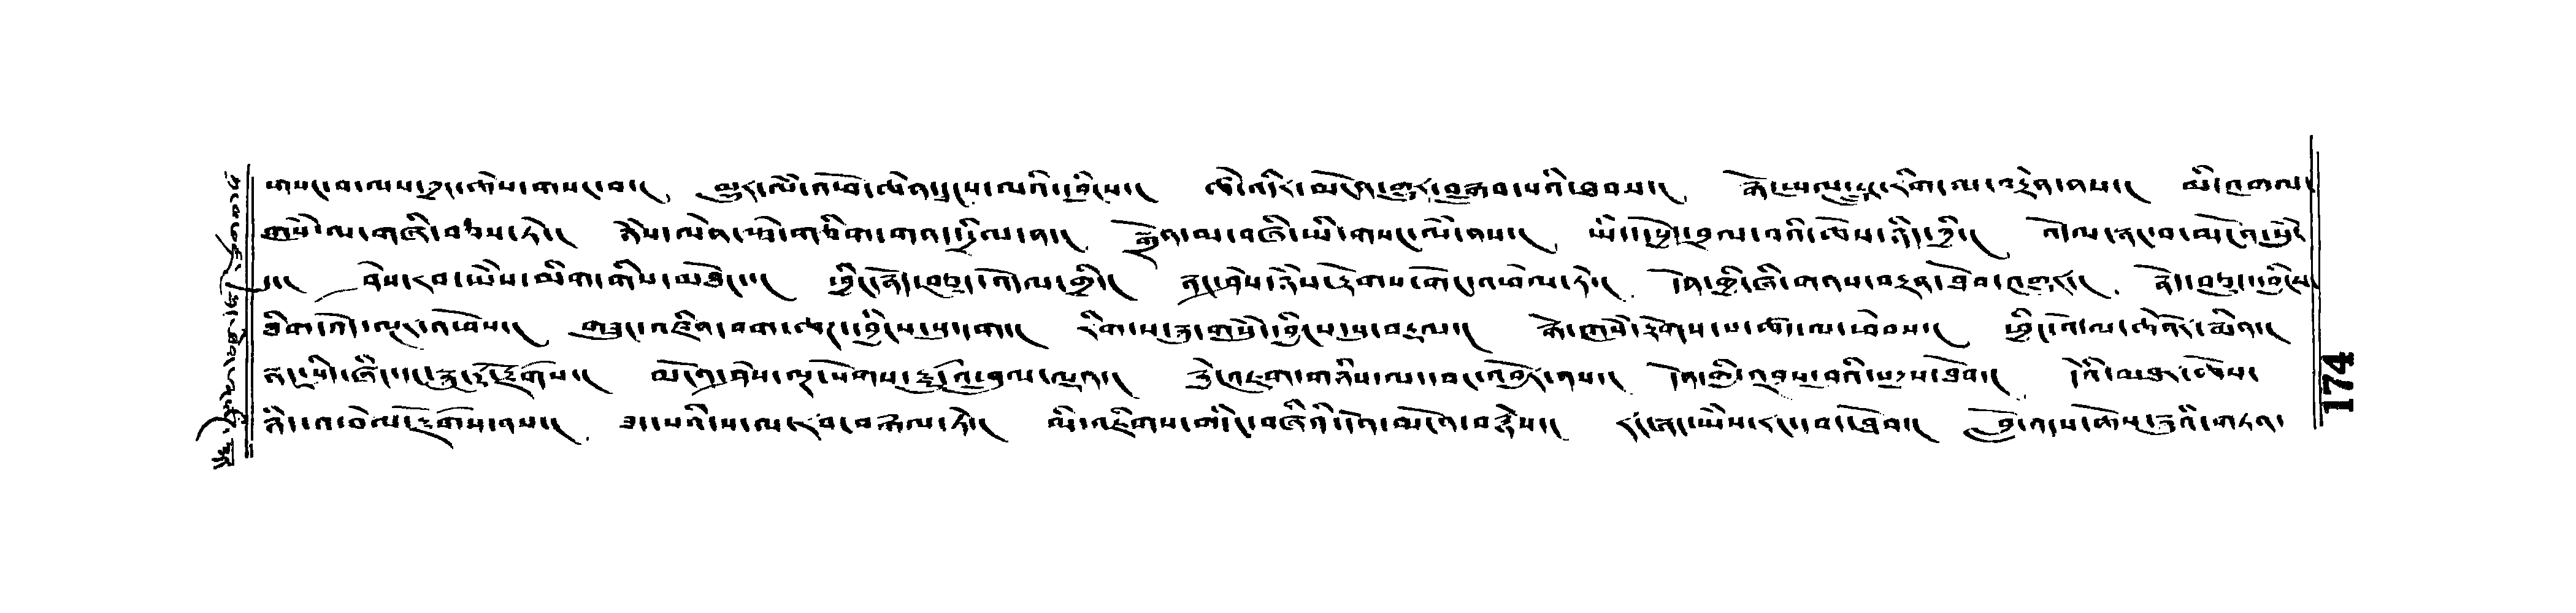།གསང་བ་ལས་ཀྱང་ཆེས་གསང་བ། །མྱུར་ལམ་འཕོ་ཆེན་དྭངས་མའི་དབྱིངས། །ཚེ་འདིར་མངོན་གྱུར་བསྒྲུབ་པའི་ཐབས། །སྒོ་ཡུལ་རླུང་རིག་ལ་བརྟེན་ནས། །མི་འགུལ་
གསུམ་ལ་གཞི་བཅས་ཏེ། །ཉམས་ལེན་རྩེ་གཅིག་གནད་དྲིལ་ན། །སྒྲོན་མ་བཞི་ཡི་གསང་ལམ་ནས། །ཡིད་དཔྱོད་བྲལ་བའི་ཆོས་ཉིད་ཀྱི། །འོད་གསལ་སྣང་བ་མངོན་སུམ་
དུ། །ཤེས་རབ་ཡེ་ཤེས་མིག་གིས་མཐོང་། །ཕྱི་ནང་སྣོད་བཅུད་འོད་གསལ་གྱི། །སྣང་ཤེས་ཉམས་རྟོགས་གོང་འཕེལ་ཏེ། །དོན་གྱི་ཞི་གནས་བརྟན་ཐོབ་འགྱུར། །སྣོད་བཅུད་དབྱིངས་
ཐིག་འོད་ལྔར་འཕོས། །གཟུང་འཛིན་བག་ཆགས་དབྱིངས་སུ་དག །རིམ་པ་སྐུ་གསུམ་དབྱིངས་སུ་བརྡལ། །སྒོ་གསུམ་རྟོགས་པ་ཚད་ལ་ཕེབས། །ཕྱི་ནང་འོད་གསལ་ཆེན་པོར་སྨིན། །
སྣང་སྲིད་ཞིང་དང་སྐུ་རུ་རྫོགས། །མངོན་ཤེས་ལྔ་སོགས་རྫུ་འཕྲུལ་ལྡན། །སྐྱེ་འཇུག་གཉིས་ལ་དབང་འབྱོར་ནས། །དོན་གྱིས་འབྲས་བུའི་སངས་རྒྱས་ཐོབ། །དེའི་མཐར་ཆོས་
ཉིད་འཕེལ་རྫོགས་ནས། །ཟད་པའི་ས་ལ་རབ་བརྒལ་ཏེ། །མི་འཇིགས་གདིང་བཞིའི་དོན་མངོན་བརྙེས། །རང་སྣང་ཡེ་ཤེས་རང་དབང་ཐོབ། །བློ་འདས་ཆོས་སྐུའི་གཏན་